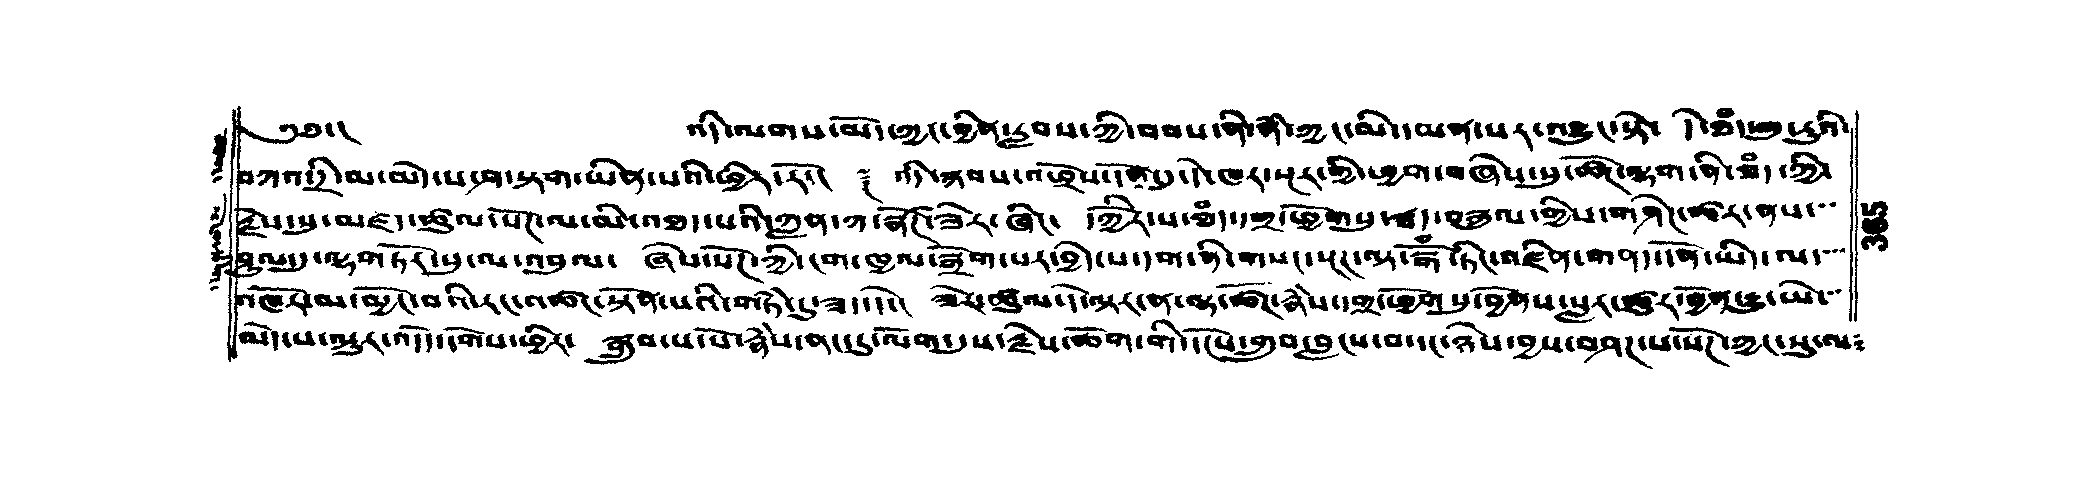འདི་ལགས་མོད་ཀྱང་བྱིན་རླབས་ཀྱི་བབས་ནི་དམན་པར་འབྱུང་སྟེ། དེ་ཐམས་ཅད་གུ་རུའི་
བཀའ་དྲི་མ་མེད་པ་ཤ་སྟག་ཡིན་པའི་ཕྱིར་རོ། ༈ འདི་སྐབས་འཕྲོས་དོན་དུ་དེ་ཁར་སྔར་གྱི་ཕྱག་བཞེས་སུ་ཚོགས་ལྷག་ནི་ཐམས་ཅད་ཀྱི་
རྗེས་སུ་མཛད་ཚུལ་སོགས་ལ་མི་འཐད་པའི་ཀླན་ཀ་སྣ་ཚོགས་ཟེར་ཞིང་། དཀྱིལ་འཁོར་ས་ཐམས་ཅད་དགྲ་ཕྱོགས་སུ་རྦད་བསྐུལ་གྱིས་གཤེགས་ཚར་ནས་
ཤུལ་དུ་ལྷག་གཏོར་སུ་ལ་འབུལ། ཞེས་སོགས་ཀྱི་ངག་འཁྱལ་སྒྲོག་པར་བྱེད་པ་དག་ནི་གསང་སྔགས་ལྟ་སྒོམ་ཏིང་འཛིན་གནད་དོན་ཡིད་ལ་
འཁོར་མ་མྱོང་བའི་རང་འཚང་སྟོན་པའི་གཏམ་དུ་ཟད་དེ། ཟེར་ཚུལ་དེ་ལྟར་ན་ལྷ་ཚོགས་རྣམས་དགྲ་ཕྱོགས་སུ་བྱོན་ནས་སླར་ཚུར་བྱོན་རྒྱུ་ཡེ་
མེད་པ་ལྟ་བུར་འདོད་དགོས་ཕྱིར།སྒྲུབ་པ་པོ་རྣམས་ནང་དུ་ལོག་དུས་རྗེས་ཆོག་གི་དངོས་གྲུབ་བླངས་བ་དང་ཉེས་བྱས་བཤགས་པ་སོགས་ཀྱང་སུ་ལ་